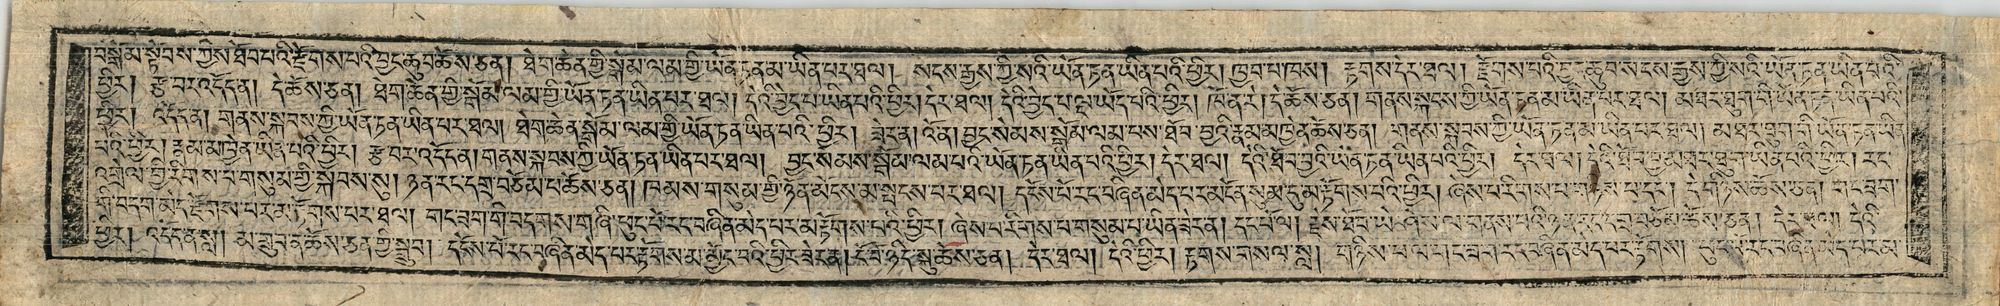བསྒོམ་སྟོབས་ཀྱིས་ཐོབ་པའི་རྫོགས་པའི་བྱང་ཆུབ་ཆོས་ཅན། ཐེག་ཆེན་གྱི་སྒོམ་ལམ་གྱི་ཡོན་ཏན་མ་ཡིན་པར་ཐལ། སངས་རྒྱས་ཀྱི་སའི་ཡོན་ཏན་ཡིན་པའི་ཕྱིར། ཁྱབ་པ་ཁས། རྟགས་དེར་ཐལ། རྫོགས་པའི་བྱང་ཆུབ་སངས་རྒྱས་ཀྱི་སའི་ཡོན་ཏན་ཡིན་པའི་
ཕྱིར། རྩ་བར་འདོད་ན། དེ་ཆོས་ཅན། ཐེག་ཆེན་གྱི་སྒོམ་ལམ་གྱི་ཡོན་ཏན་ཡིན་པར་ཐལ། དེའི་བྱེད་པ་ཡིན་པའི་ཕྱིར། དེར་ཐལ། དེའི་བྱེད་པ་ལྔ་ཡོད་པའི་ཕྱིར། ཁོ་ན་རེ། དེ་ཆོས་ཅན། གནས་སྐབས་ཀྱི་ཡོན་ཏན་མ་ཡིན་པར་ཐལ། མཐར་ཐུག་གི་ཡོན་ཏན་ཡིན་པའི་
ཕྱིར། འདོད་ན། གནས་སྐབས་ཀྱི་ཡོན་ཏན་ཡིན་པར་ཐལ། ཐེག་ཆེན་སྒོམ་ལམ་གྱི་ཡོན་ཏན་ཡིན་པའི་ཕྱིར། ཟེར་ན། འོ་ན། བྱང་སེམས་སྒོམ་ལམ་པས་ཐོབ་བྱའི་རྣམ་མཁྱེན་ཆོས་ཅན། གནས་སྐབས་ཀྱི་ཡོན་ཏན་མ་ཡིན་པར་ཐལ། མཐར་ཐུག་གི་ཡོན་ཏན་ཡིན་
པའི་ཕྱིར། རྣམ་མཁྱེན་ཡིན་པའི་ཕྱིར། རྩ་བར་འདོད་ན། གནས་སྐབས་ཀྱི་ཡོན་ཏན་ཡིན་པར་ཐལ། བྱང་སེམས་སྒོམ་ལམ་པའི་ཡོན་ཏན་ཡིན་པའི་ཕྱིར། དེར་ཐལ། དེའི་ཐོབ་བྱའི་ཡོན་ཏན་ཡིན་པའི་ཕྱིར། དེར་ཐལ། དེའི་ཐོབ་བྱ་མཐར་ཐུག་ཡིན་པའི་ཕྱིར། རང་
འགྲེལ་གྱི་རིགས་པ་གསུམ་གྱི་སྐབས་སུ། ཉན་རང་དགྲ་བཅོམ་པ་ཆོས་ཅན། ཁམས་གསུམ་གྱི་ཉོན་མོངས་མ་སྤངས་པར་ཐལ། དངོས་པོ་རང་བཞིན་མེད་པར་མངོན་སུམ་དུ་མ་རྟོགས་པའི་ཕྱིར། ཞེས་པ་རིགས་པ་གཉིས་པ་དང་། དེ་གཉིས་ཆོས་ཅན། གང་ཟག་
གི་བདག་མེད་རྫོགས་པར་མ་རྟོགས་པར་ཐལ། གང་ཟག་གི་བདགསྒྮི་ཕུང་པོ་རང་བཞིན་མེད་པར་མ་རྟོགས་པའི་ཕྱིར། ཞེས་པ་རིགས་པ་གསུམ་པ་ཡིན་ཟེར་ན། དང་པོ་ལ། རྗེས་ཐོབ་ཡེ་ཤེས་ལ་གནས་པའི་ཉན་རང་དགྲ་བཅོམ་ཆོས་ཅན། དེར་ཐལ། དེའི་
ཕྱིར། འདོད་ན་སླ། མ་གྲུབ་ན་ཆོས་ཅན་གྱི་སྒྲུབ། དངོས་པོ་རང་བཞིན་མེད་པར་རྟོགས་མ་མྱོང་བའི་ཕྱིར་ཟེར་ན། ངོ་བོ་ཉིད་སྐུ་ཆོས་ཅན། དེར་ཐལ། དེའི་ཕྱིར། རྟགས་གསལ་སླ། གཉིས་པ་ལ་གང་ཟག་རང་བཞིན་མེད་པར་རྟོགས། ཕུང་པོ་རང་བཞིན་མེད་པར་མ་